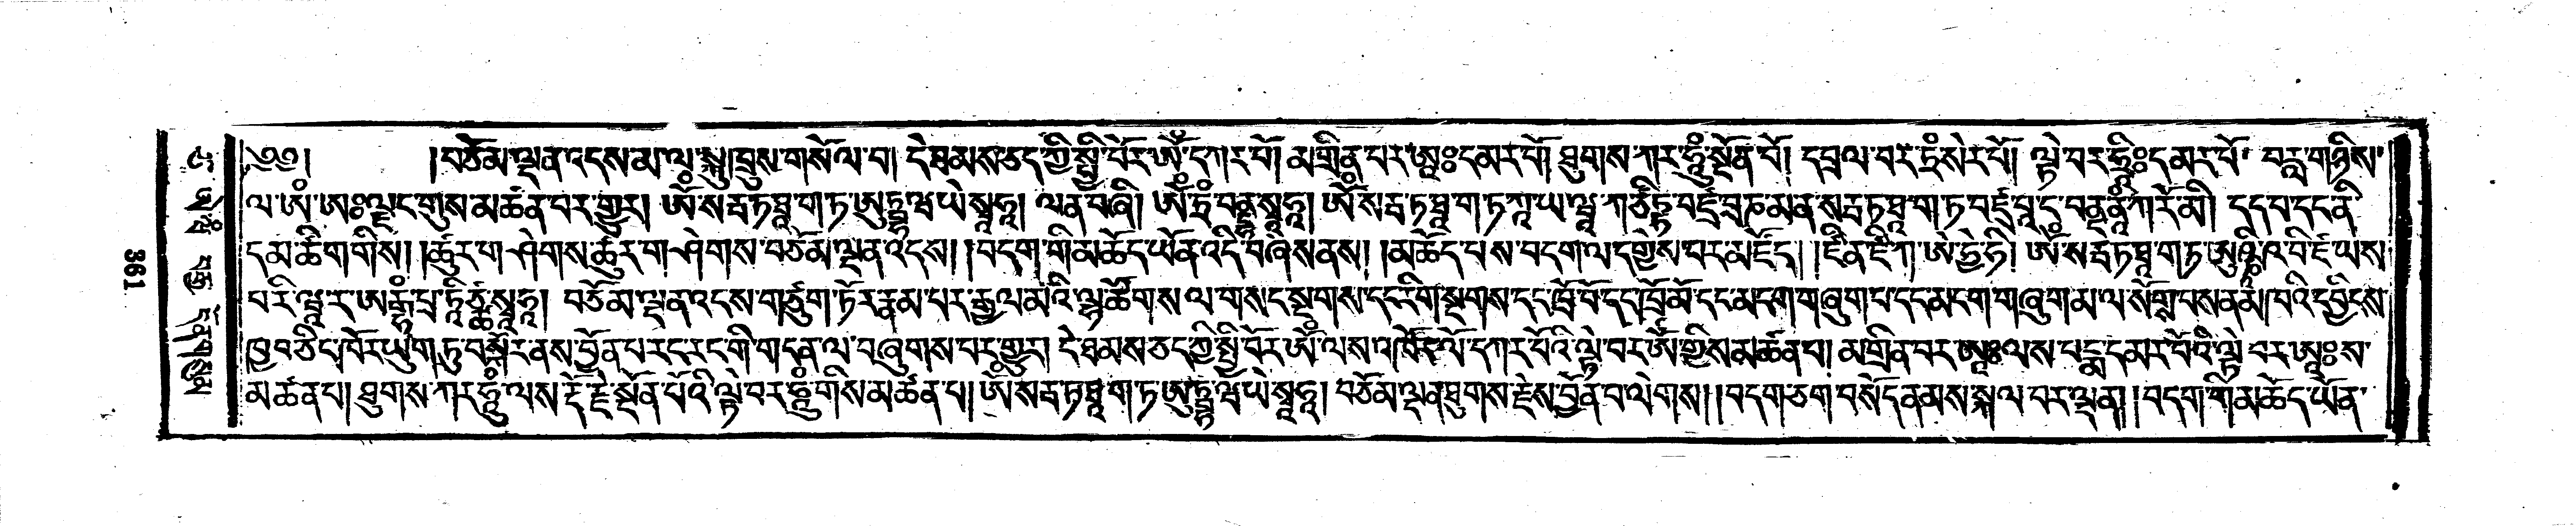༄༅། །བཅོམ་ལྡན་འདས་མ་ལ་སྐུ་ཁྲུས་གསོལ་བ། དེ་ཐམས་ཅད་ཀྱི་སྤྱི་བོར་ཨོཾ་དཀར་པོ། མགྲིན་པར་ཨཱཿ དམར་པོ། ཐུགས་ཀར་ཧཱུཾ་སྔོན་པོ། དཔྲལ་བར་ཏྲཾ་སེར་པོ། ལྟེ་བར་ཧྲཱིཿ དམར་པོ། བརླ་གཉིས་
ལ་ཨཾ་ཨཿ ལྗང་གུས་མཚན་པར་གྱུར། ཨོཾ་སརྦ་ཏ་ཐཱ་ག་ཏ་ཨུཏྦྷ་ཝ་ཡེ་སྭཱཧཱ། ལན་བཞི། ཨོཾ་ཏྲཾ་བནྡྷ་སྭཱཧཱ། ཨོཾ་སརྦ་ཏ་ཐཱ་ག་ཏ་ཀཱ་ཡ་ཝཱ་ཀ་ཙིཏྟ་བཛྲ་པྲ་ཎ་མེ་ན་སརྦ་ཏ་ཐཱ་ག་ཏ་བཛྲ་པཱ་ད་བནྡ་ནཱཾ་ཀ་རོ་མི། དད་པ་དང་ནི་
དམ་ཚིག་གིས། །ཚུར་གཤེགས་ཚུར་གཤེགས་བཅོམ་ལྡན་འདས། །བདག་གི་མཆོད་ཡོན་འདི་བཞེས་ནས། །མཆོད་པས་བདག་ལ་དགྱེས་པར་མཛོད། །ཛི་ན་ཛི་ཀ་ཨེ་ཧྱེ་ཧི། ཨོཾ་སརྦ་ཏ་ཐཱ་ག་ཏ་ཨུཥྞཱི་ཥ་བི་ཛ་ཡ་ས་
པ་རི་ཝཱ་ར་ཨརྒྷཾ་པྲ་ཏཱི་ཙྪ་སྭཱཧཱ། བཅོམ་ལྡན་འདས་གཙུག་ཏོར་རྣམ་པར་རྒྱལ་མའི་ལྷ་ཚོགས་ལ་གསང་སྔགས་དང་རིག་སྔགས་དང་ཁྲོ་བོ་དང་ཁྲོ་མོ་དང་མངག་གཞུག་པ་དང་མངག་གཞུག་མ་ལ་སོགས་པས་ནམ་མཁའི་དབྱིངས་
ཁྱབ་ཅིང་ཁོར་ཡུག་ཏུ་བསྐོར་ནས་བྱོན་པ་རང་རང་གི་གདན་ལ་བཞུགས་པར་གྱུར། དེ་ཐམས་ཅད་ཀྱི་སྤྱི་བོར་ཨོཾ་ལས་འཁོར་ལོ་དཀར་པོའི་ལྟེ་བར་ཨོཾ་གྱིས་མཚན་པ། མགྲིན་པར་ཨཱཿ ལས་པདམ་དམར་པོའི་ལྟེ་བར་ཨཱཿ ས་
མཚན་པ། ཐུགས་ཀར་ཧཱུཾ་ལས་རྡོ་རྗེ་སྔོན་པོའི་ལྟེ་བར་ཧཱུཾ་གིས་མཚན་པ། ཨོཾ་སརྦ་ཏ་ཐཱ་ག་ཏ་ཨུཏྦྷ་ཝ་ཡེ་སྭཱཧཱ། བཅོམ་ལྡན་ཐུགས་རྗེས་བྱོན་པ་ལེགས། །བདག་ཅག་བསོད་ནམས་སྐལ་བར་ལྡན། །བདག་གི་མཆོད་ཡོན་